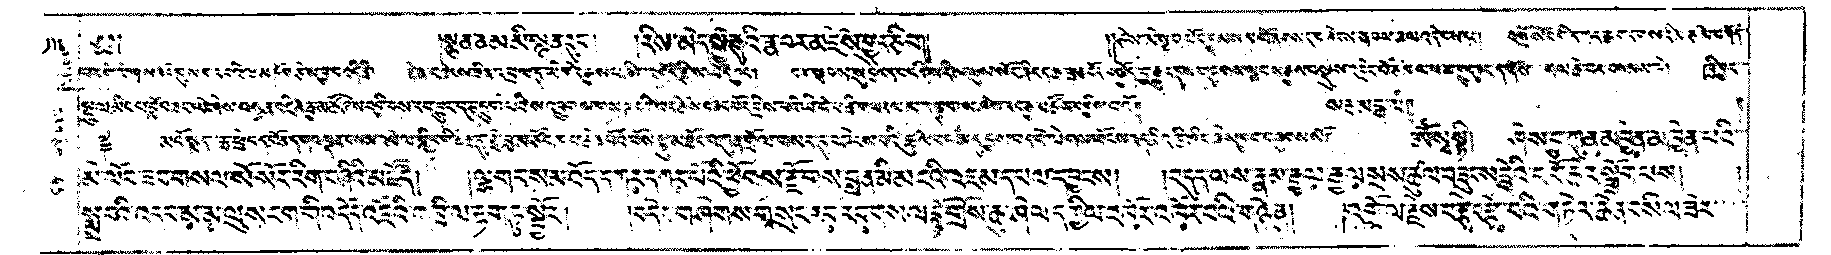༄༅། །སྙན་ནམ་མི་སྙན་རུང་། །རིས་མེད་སྐྱེ་རྒུའི་རྣ་བར་མཛེས་གྱུར་ཅིག ། །།ཅེས་མེ་སྟག་ལོར་བྱམས་མགོན་གསར་བཞེངས་སྐབས་ཞལ་འདེབས་དང་། འགྲོ་སོང་གི་དཀར་ཆག་རགས་རིམ་ཙམ་བཀོད་
པ?་དགེ་ལེགས་ནོར་བུས་གང་བའི་ཟ་མ་ཏོག་ཅེས་བྱ་བ་འདི་ནི། རྟེན་བཞེངས་ཟིན་འཕྲལ་དུ་ཡི་གེར་རྒྱས་པ་ཞིག་འགོད་རྩིས་ཡོད་ཀྱང་། བར་སྐབས་སུ་བྲེལ་དབང་གིས་རིམ་ལུས་སོང་ཞིང་ད་ཆ་ཕྲན་བོད་བསྐྱོད་བྱ་རྒྱུར་དུས་གཏུགས་སྟབས་རྒྱས་བསྡུས་འབྲིང་པོ་ཙམ་ལས་མ་གྲུབ་ཀྱང་དགོས་འགལ་ཆེ་བར་བསམས་ཏེ། ཁྲི་བྱང་
སྤྲུལ་མིང་པ་བློ་བཟང་ཡེ་ཤེས་བསྟན་འཛིན་རྒྱ་མཚོ་ཞེས་བགྱི་བས་རབ་བྱུང་བཅུ་དྲུག་པའི་ས་འབྲུག་སགས་ཉ་བའི་ཡར་ཚེས་བཟང་པོར་བྲིས་པའི་ཡི་གེ་པ་ནི་གཡར་ལམ་ཀ་ལྕགས་ཤེས་རབ་རྒྱ་མཚོས་བགྱིས་པའོ། །སརྦ་མངྒ་ལཾ།། །།
༈ མདོ་སྨད་ཆ་ཆ་ཕྲེང་དགོན་དགའ་ལྡན་བསམ་འཕེལ་གླིང་གི་རྟེན་དུ་རྗེ་བླ་མ་ཙོང་ཁ་པ་ཆེན་པོའི་གོས་སྐུ་མཐོང་བ་ཀུན་གྲོལ་གསར་དུ་བཞེངས་པའི་ཚུལ་གཏམ་དུ་བྱས་པ་དགེ་ལེགས་ཡོངས་འདུའི་འཁྲི་ཤིང་ཞེས་བྱ་བ་བཞུགས་སོ།  །ཨོཾ་སྭ་སྟི། ཤེས་བྱ་ཀུན་མཁྱེན་མཁྱེན་པའི་
མེ་ལོང་ཟབ་གསལ་སོ་སོར་རིག་བཞིའི་མཛོད། །ལྷག་བསམ་འོད་དཀར་དཀར་པོའི་ཕྱོགས་རྫོགས་བླ་ན་མི་མངའི་འཇམ་དཔལ་དབྱངས། །བདུད་ལས་རྣམ་རྒྱལ་རྒྱལ་སྲས་ཚུལ་བཟུང་སེངྒེའི་ང་རོ་ཆེར་སྒྲོག་པས། །
སྨྲ་བའི་འདབ་མ་མ་ལུས་ངག་གི་འདོད་འཇོའི་འཁྲི་ལ་རྟག་ཏུ་སྦྱོར། །བདེར་གཤེགས་གསུང་རབ྾་རབ྾་གསལ་བློ་གྲོས་ཆུ་ཤེལ་དཀྱིལ་འཁོར་འཁོར་བའི་གཉེན། །འགྲོ་ལ་རྗེས་བརྩེ་བརྩེ་བའི་གཏེར་ཆེན་བསིལ་ཟེར་